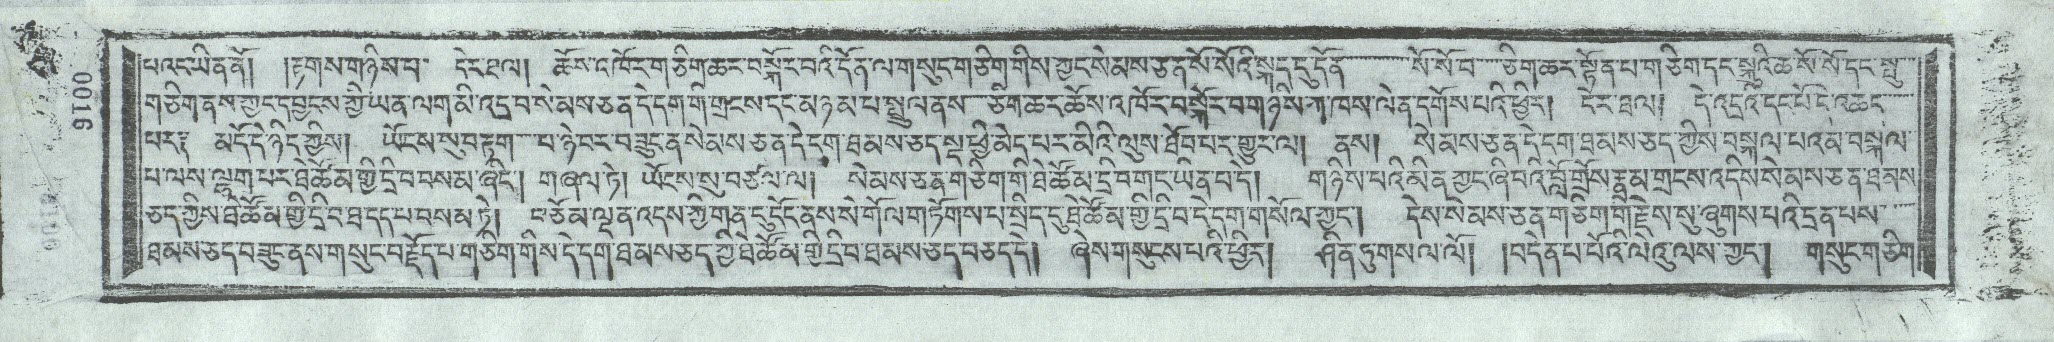པའང་ཡིན་ནོ། །རྟགས་གཉིས་པ་དེར་ཐལ། ཆོས་འཁོར་གཅིག་ཆར་བསྐོར་བའི་དོན་ལ་གསུང་གཅིག་གིས་ཀྱང་སེམས་ཅན་སོ་སོའི་སྐད་དུ་དོན་སོ་སོ་བ་ཅིག་ཆར་སྟོན་པ་གཅིག་དང་སྐུའི་ཆ་སོ་སོ་དང་སྤུ་
གཅིག་ནས་ཀྱང་དབྱངས་ཀྱི་ཡན་ལག་མི་འདྲ་བ་སེམས་ཅན་དེ་དག་གི་གྲངས་དང་མཉམ་པ་སྤྲུལ་ནས་ཅིག་ཆར་ཆོས་འཁོར་བསྐོར་བ་གཉིས་ཀ་ཁས་ལེན་དགོས་པའི་ཕྱིར། དེར་ཐལ། དེ་འདྲའི་དང་པོ་དེ་འཆད་
པར༑ མདོ་དེ་ཉིད་ཀྱིས། ཡོངས་སུ་བརྟག་པ་ཉེ་བར་བཟུང་ན་སེམས་ཅན་དེ་དག་ཐམས་ཅད་སྔ་ཕྱི་མེད་པར་མིའི་ལུས་ཐོབ་པར་གྱུར་ལ། ནས། སེམས་ཅན་དེ་དག་ཐམས་ཅད་ཀྱིས་བསྐལ་པའམ་བསྐལ་
པ་ལས་ལྷག་པར་ཐེ་ཚོམ་གྱི་དྲི་བ་བསམ་ཞིང་། གཞལ་ཏེ། ཡོངས་སུ་བཙལ་ལ། སེམས་ཅན་གཅིག་གི་ཐེ་ཚོམ་དྲི་བ་གང་ཡིན་པ་དེ། གཉིས་པའི་མིན་ཀྱང་ཞི་བའི་བློ་གྲོས་རྣམ་གྲངས་འདིས་སེམས་ཅན་ཐམས་
ཅད་ཀྱིས་ཐེ་ཚོམ་གྱི་དྲི་བ་ཐ་དད་པ་བསམ་ཏེ། བཅོམ་ལྡན་འདས་ཀྱི་གན་དུ་དོད་ནས་སེ་གོལ་གཏོགས་པ་སྲིད་དུ་ཐེ་ཚོམ་གྱི་དྲི་བ་དེ་དག་གསོལ་ཀྱང་། དེས་སེམས་ཅན་གཅིག་གི་རྗེས་སུ་ཞུགས་པའི་དྲན་པས་
ཐམས་ཅད་བཟུང་ནས་གསུང་བརྗོད་པ་གཅིག་གིས་དེ་དག་ཐམས་ཅད་ཀྱི་ཐེ་ཚོམ་གྱི་དྲི་བ་ཐམས་ཅད་བཅད་དེ། ཞེས་གསུངས་པའི་ཕྱིར། ཤིན་ཏུ་གསལ་ལོ། །བདེན་པ་པོའི་ལེའུ་ལས་ཀྱང་། གསུང་གཅིག་